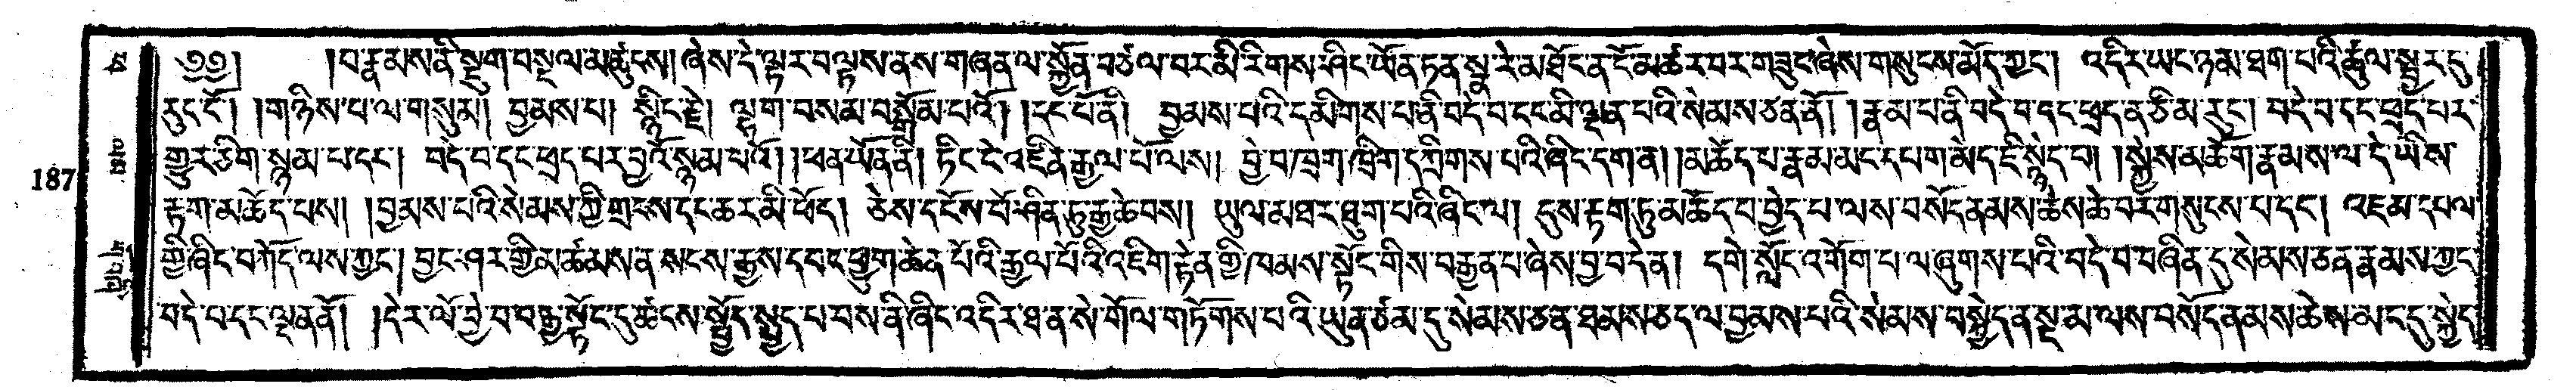༄༅། །བ་རྣམས་ནི་སྡུག་བསྔལ་མཚུངས། ཞེས་དེ་ལྟར་བལྟས་ནས་གཞན་ལ་སྐྱོན་བཙལ་བར་མི་རིགས་ཤིང་ཡོན་ཏན་སྣ་རེ་མཐོང་ན་ངོ་མཚར་བར་གཟུང་ཞེས་གསུངས་མོད་ཀྱང་། འདིར་ཡང་ཉམ་ཐག་པའི་ཚུལ་སྦྱར་དུ་
རུང་ངོ། །གཉིས་པ་ལ་གསུམ། བྱམས་པ། སྙིང་རྗེ། ལྷག་བསམ་བསྒོམ་པའོ། །དང་པོ་ནི། བྱམས་པའི་དམིགས་པ་ནི་བདེ་བ་དང་མི་ལྡན་པའི་སེམས་ཅན་ནོ། །རྣམ་པ་ནི་བདེ་བ་དང་ཕྲད་ན་ཅི་མ་རུང་། བདེ་བ་དང་ཕྲད་པར་
གྱུར་ཅིག་སྙམ་པ་དང་། བདེ་བ་དང་ཕྲད་པར་བྱའོ་སྙམ་པའོ། །ཕན་ཡོན་ནི། ཏིང་ངེ་འཛིན་རྒྱལ་པོ་ལས། བྱེ་བ་ཁྲག་ཁྲིག་དཀྲིགས་པའི་ཞིང་དག་ན། །མཆོད་པ་རྣམ་མང་དཔག་མེད་ཇི་སྙེད་པ། །སྐྱེས་མཆོག་རྣམས་ལ་དེ་ཡིས་
རྟག་མཆོད་པས། །བྱམས་པའི་སེམས་ཀྱི་གྲངས་དང་ཆར་མི་ཕོད། ཅེས་དངོས་བོ་ཤིན་ཏུ་རྒྱ་ཆེ་བས། ཡུལ་མཐར་ཐུག་པའི་ཞིང་ལ། དུས་རྟག་ཏུ་མཆོད་པ་བྱེད་པ་ལས་བསོད་ནམས་ཆེས་ཆེ་བར་གསུངས་པ་དང་། འཇམ་དཔལ་
གྱི་ཞིང་བཀོད་ལས་ཀྱང་། བྱང་ཤར་གྱི་མཚམས་ན་སངས་རྒྱས་དབང་ཕྱུག་ཆེན་པོའི་རྒྱལ་པོའི་འཇིག་རྟེན་གྱི་ཁམས་སྟོང་གིས་བརྒྱན་པ་ཞེས་བྱ་བ་དེ་ན། དགེ་སློང་འགོག་པ་ལ་ཞུགས་པའི་བདེ་བ་བཞིན་དུ་སེམས་ཅན་རྣམས་ཀྱང་
བདེ་བ་དང་ལྡན་ནོ། །དེར་ལོ་བྱེ་བ་བརྒྱ་སྟོང་དུ་ཚངས་སྤྱོད་སྤྱད་པ་བས་ནི་ཞིང་འདིར་ཐ་ན་སེ་གོལ་གཏོགས་པའི་ཡུན་ཙམ་དུ་སེམས་ཅན་ཐམས་ཅད་ལ་བྱམས་པའི་སེམས་བསྐྱེད་ན་སྔ་མ་ལས་བསོད་ནམས་ཆེས་མང་དུ་སྐྱེད་